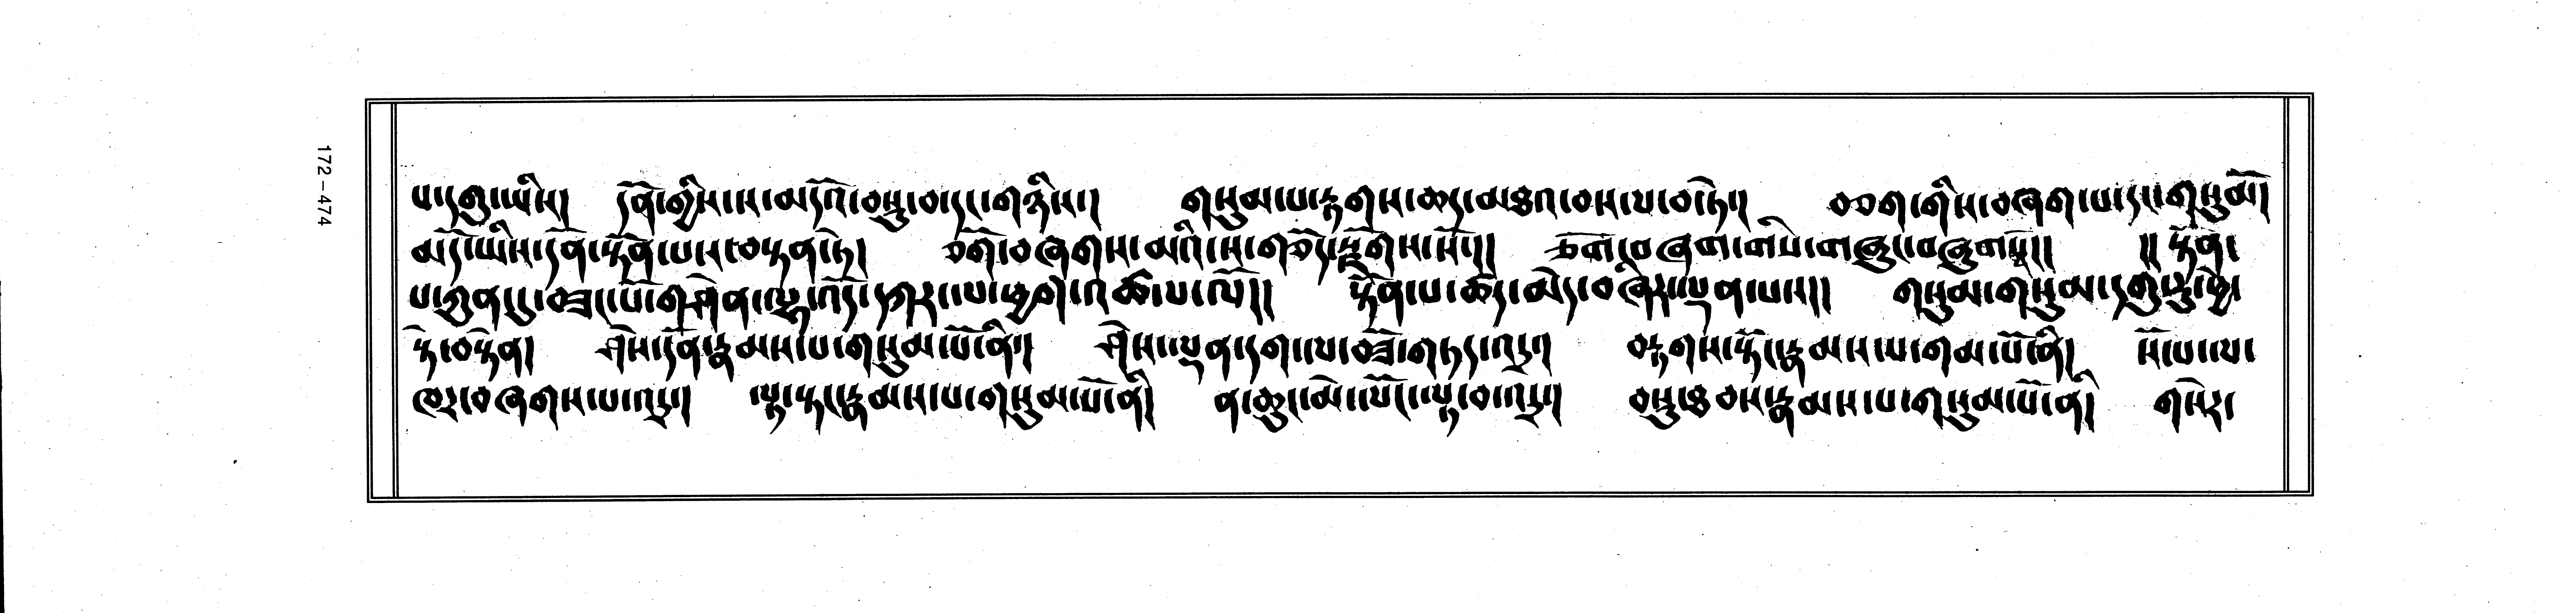པ་དགུ་ཡིས། དོན་གྱིས་ས་མདོའ་བསྡུ་བ་དང་གཉིས། གསུམ་པ་རྟགས་ཆད་མཐའ་བསལ་བ་ཏེ། བཅག་གིས་བཞག་པ་དང་གསུམ་མོ། 
མདོ་ཡིས་དོན་སྟོན་པས་བསྟན་ཏེ། ཅོག་བཞགས་མའི་ས་གཅོད་རྫོགས་སོ། ཅོག་བཞག་གིས་གཞུང་བཞུགས་སྭོ། སྟོན་
པ་ཀུན་ཏུ་བཟང་པོ་གཤེན་ལྷ་འོད་དཀར་ལ་ཕྱག་འཚལ་ལོ། སྟོན་པ་ཚད་མེད་བཞིར་ལྡན་པས། གསུམ་གསུམ་དགུ་རུ་ཕྱེ་
སྟེ་བསྟེན། ཤེས་དོན་རྣམ་པ་གསུམ་པོ་ནི། ཤེས་ལྡན་དག་ལ་བཟོ་གཏད་འདྲ། བརྟགས་སྟོང་རྣམ་གསུམ་པོ་ནི། སོ་པ་ལ་
ཁར་བཞགས་པ་འདྲ། ལྟ་སྟང་རྣམ་པ་གསུམ་པོ་ནི། ན་ཆུང་མེ་ལོང་ལྟ་བ་འདྲ། བསྡུ་ཐབས་རྣམ་པ་གསུམ་པོ་ནི། གསེར་